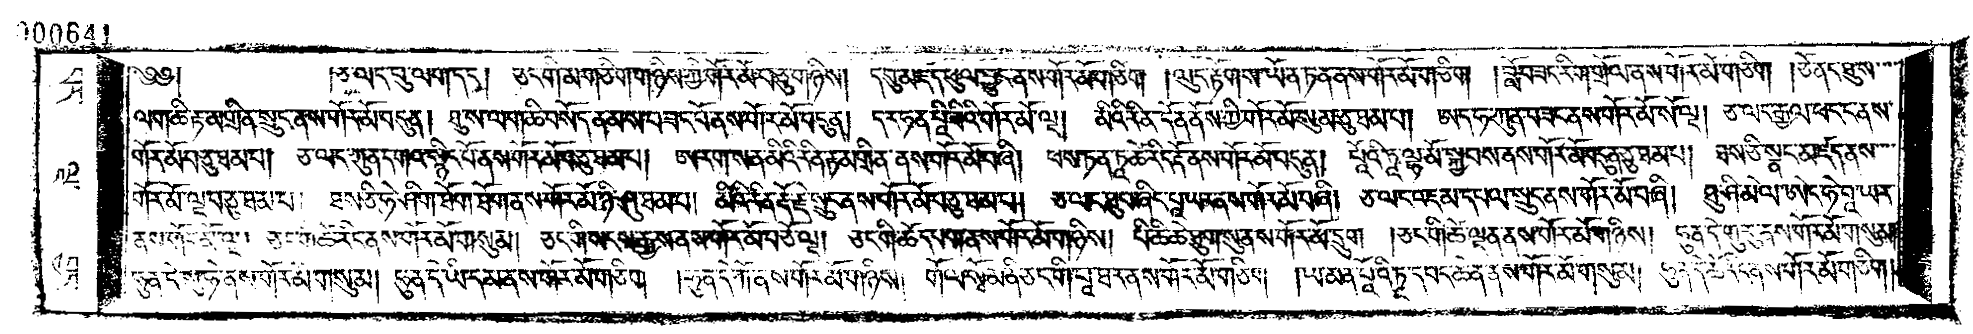༄༅། །ཅ་ལང་བུ་ལག་དང་། ཅང་གི་མ་གཅིག་གཉིས་ཀྱི་གོར་མོ་བཅུ་གཉིས། དབུ་མཛད་ཕུལ་བྱུང་ནས་གོར་མོ་གཅིག །ལུང་རྟོགས་ཡོན་ཏན་ནས་གོར་མོ་གཅིག །བློ་བཟང་རིག་གྲོལ་ནས་གོར་མོ་གཅིག །ཅོ་ནང་ཐུས་
ལག་ཆི་རྟ་མགྲིན་སྲུང་ནས་གོར་མོ་བདུན། ཐུ་ས་ལག་ཆི་བསོད་ནམས་བཟང་པོ་ནས་གོར་མོ་བདུན། དར་ཧན་པཱི་ཟིའི་གོར་མོ་ལྔ། མིའི་རིན་དོན་ནོས་ཀྱི་གོར་མོ་སུམ་ཅུ་ཐམ་པ། ཨད་ཧ་ཀུན་བཟང་ནས་གོར་མོ་སོ་ལྔ། ཅ་ལང་རྒྱལ་ཕང་ང་ནས་
གོར་མོ་བཅུ་ཐམ་པ། ཅ་ལང་ཀུན་དགའ་སྙིང་པོ་ནས་གོར་མོ་བཅུ་ཐམ་པ། ཨ་རག་སན་མིའི་རིན་རྟ་མགྲིན་ནས་གོར་མོ་བཞི། ཕས་ཏན་ཏཱ་ཚེ་རིང་རྡོ་ནས་གོར་མོ་བདུན། པOའི་ཏཱ་ལྷ་མོ་སྐྱབས་ནས་གོར་མོ་བདུན་ཅུ་ཐམ་པ། ཐས་ཅི་སྣང་མཛད་ནས་
གོར་མོ་ལྔ་བཅུ་ཐམ་པ། ཐས་ཅི་ཧེ་ཤིག་ཐོག་ཐོག་ནས་གོར་མོ་ཉི་ཤུ་ཐམ་པ། མིའི་རིན་རྡོ་རྗེ་སྲུང་ནས་གོར་མོ་བཅུ་ཐམ་པ། ཅ་ལང་ཐུབ་ཞིང་པཱ་ཡར་ནས་གོར་མོ་བཞི། ཅ་ལང་འཇམ་དཔལ་སྲུང་ནས་གོར་མོ་བཞི། ཐུ་ཤི་མེལ་ཨེང་ཧེ་བཱ་ཡར་
ནས་གོར་མོ་ལྔ། ཅང་གི་ཚེ་རིང་ནས་གོར་མོ་གསུམ། ཅང་གི་སངས་རྒྱས་ནས་གོར་མོ་བཅོ་ལྔ། ཅང་གི་ཚེ་དཔག་ནས་གོར་མོ་གཉིས། པི་ཆི་ཆེ་ཐུག་སུ་ནས་གོར་མོ་དྲུག །ཅང་གི་ཚེ་ལྡན་ནས་གོར་མོ་གཉིས། ཧུན་དེ་གུ་རུ་ནས་གོར་མོ་གསུམ།
ཧུན་དེ་སུ་ཧེ་ནས་གོར་མོ་གསུམ། ཧུན་དེ་ཡི་དམ་ནས་གོར་མོ་གཅིག །ཧུན་དེ་ཀོ་ནས་གོར་མོ་གཉིས། གོལ་སྭོམ་ནི་ཅང་གི་པཱ་ཐར་ནས་གོར་མོ་གཅིག །ཡ་མན་པOའི་ཏཱ་དབང་ཆེན་ནས་གོར་མོ་གསུམ། ཧུན་དེ་ཚེ་རིང་ནས་གོར་མོ་གཅིག །